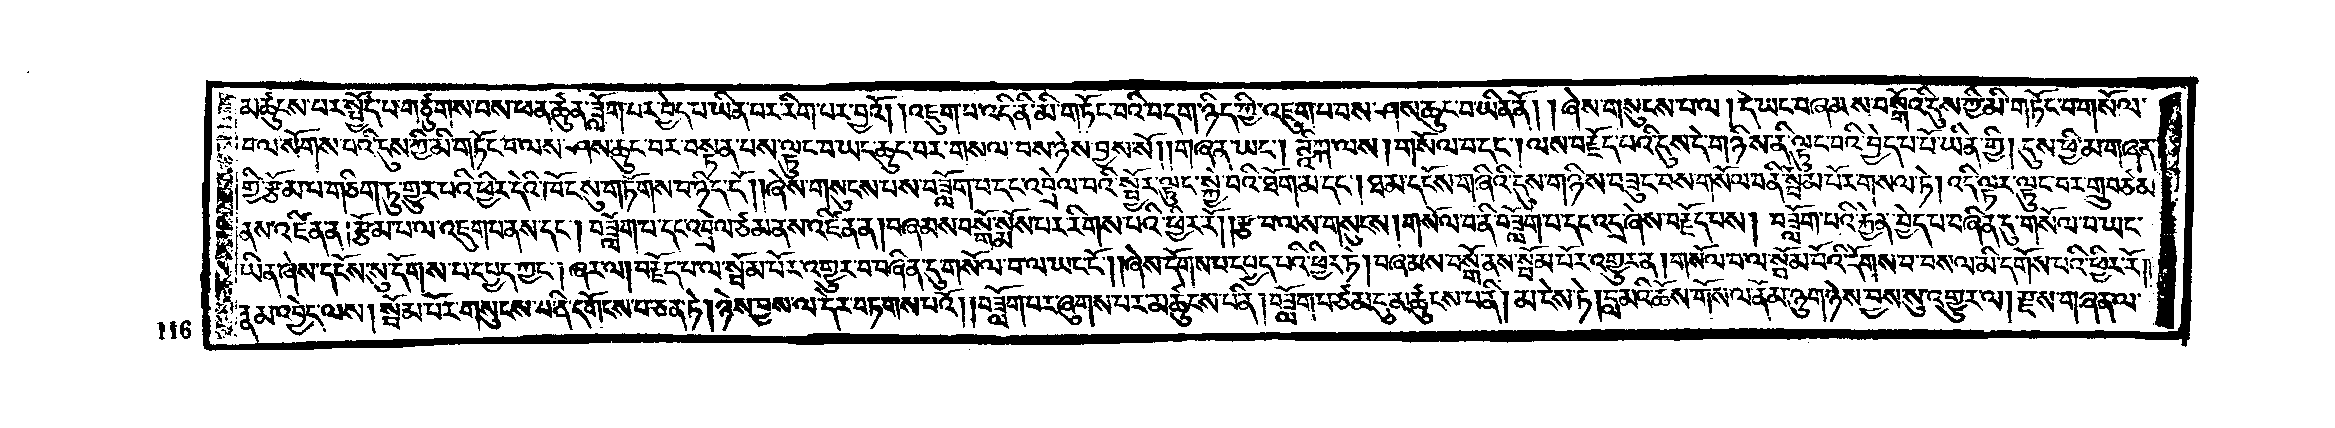མཚུངས་པར་སྤྱོད་པ་གཙུགས་པས་ཕན་ཚུན་ཟློག་པར་བྱེད་པ་ཡིན་པར་རིག་པར་བྱའོ། །འཇུག་པ་འདི་ནི་མི་གཏོང་བའི་བདག་ཉིད་ཀྱི་འཇུག་པ་བས་ཤས་ཆུང་བ་ཡིན་ནོ། །ཞེས་གསུངས་པ་ལ། དེ་ཡང་བཞམས་བསྒོའི་དུས་ཀྱི་མི་གཏོང་བ་གསོལ་
བ་ལ་སོགས་པའི་དུས་ཀྱི་མི་གཏོང་བ་ལས་ཤས་ཆུང་བར་བསྟན་པས་ལྟུང་བ་ཡང་ཆུང་བར་གསལ་བས་ཉེས་བྱས་སོ། །གཞན་ཡང་། ཊཱིཀྐ་ལས། གསོལ་བ་དང་། ལས་བརྗོད་པའི་དུས་དེ་གཉིས་ནི་ལྟུང་བའི་བྱེད་པ་པོ་ཡིན་གྱི། དུས་ཕྱི་མ་གཞན་
གྱི་རྩོམ་པ་གཅིག་ཏུ་གྱུར་པའི་ཕྱིར་དེའི་ཁོངས་སུ་གཏོགས་པ་ཉིད་དོ། །ཞེས་གསུངས་པས་བཟློག་པ་དང་འབྲེལ་བའི་སྦྱོར་ལྟུང་སྐྱེ་བའི་ཐོག་མ་དང་། ཐ་མ་དངོས་གཞིའི་དུས་གཉིས་བཟུང་བས་གསོལ་བ་ནི་སྦོམ་པོར་གསལ་ཏེ། འདི་ལྟར་ལྟུང་བར་གྲུབ་ཙམ་
ནས་འཛིན་ན། རྩོམ་པ་ལ་འཇུག་པ་ནས་དང་། བཟློག་པ་དང་འབྲེལ་ཙམ་ནས་འཛིན་ན། བཞམས་བསྒོ་སྨོས་པར་རིགས་པའི་ཕྱིར་རོ། །རྩ་བ་ལས་གསུངས། གསོལ་བ་ནི་བཟློག་པ་དང་འདྲ་ཞེས་བརྗོད་པས། བཟློག་པའི་རྐྱེན་བྱེད་པ་བཞིན་དུ་གསོལ་བ་ཡང་
ཡིན་ཞེས་དངོས་སུ་དོགས་པ་དཔྱད་ཀྱང་། ཞར་ལ། བརྗོད་པ་ལ་སྦོམ་པོར་འགྱུར་བ་བཞིན་དུ་གསོལ་བ་ལ་ཡང་ངོ། །ཞེས་དོགས་པ་དཔྱད་པའི་ཕྱིར་ཏེ། བཞམས་བསྒོ་ནས་སྦོམ་པོར་འགྱུར་ན། གསོལ་བ་ལ་སྦོམ་པོའི་དོགས་པ་བསལ་མི་དགོས་པའི་ཕྱིར་རོ།།
རྣམ་འབྱེད་?་ལས། སྦོམ་པོར་གསུངས་པ་ནི་དགོངས་པ་ཅན་ཏེ། ཉེས་བྱས་ལ་དེར་བཏགས་པའོ། །བཟློག་པར་ཞུགས་པར་མཚུངས་པ་ནི། བཟློག་པ་ཙམ་དུ་མཚུངས་པ་ནི། མ་ངེས་ཏེ། བླ་མའི་ཆོས་གོས་ལ་ནོམ་ཉུག་ཉེས་བྱས་སུ་འགྱུར་ལ། རྫས་གཞན་ལ་